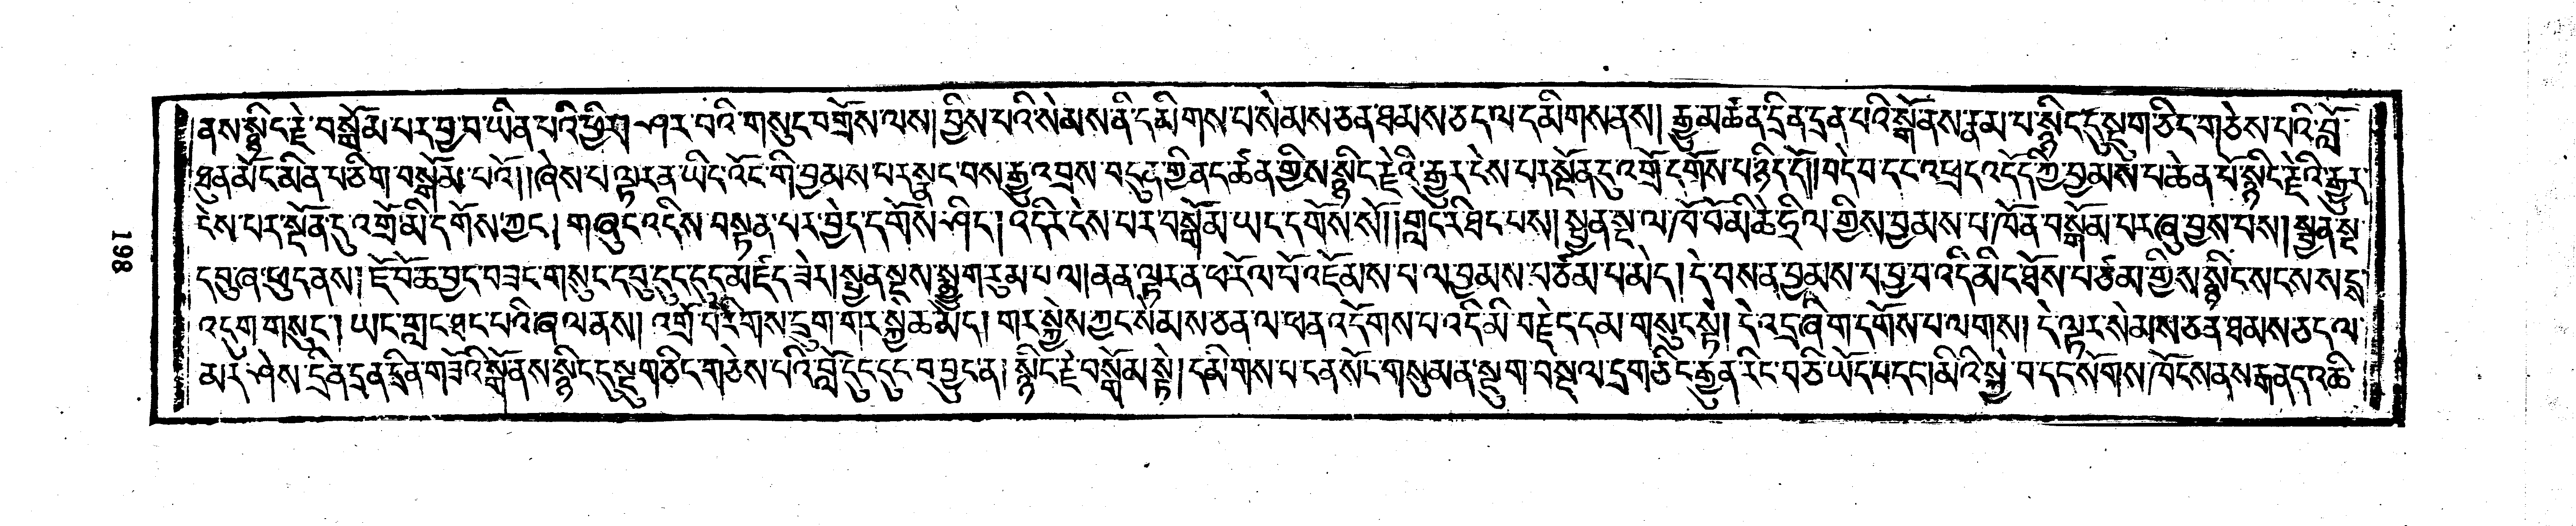ནས་སྙིང་རྗེ་བསྒོམ་པར་བྱ་བ་ཡིན་པའི་ཕྱིར། ཤ་ར་པའི་གསུང་བགྲོས་ལས། བྱིས་པའི་སེམས་ནི་དམིགས་པ་སེམས་ཅན་ཐམས་ཅད་ལ་དམིགས་ནས། རྒྱུ་མཚན་དྲིན་དྲན་པའི་སྒོ་ནས་རྣམ་པ་སྙིང་དུ་སྡུག་ཅིང་གཅེས་པའི་བློ་
ཐུན་མོང་མིན་པ་ཅིག་བསྒོམ་པའོ། །ཞེས་པ་ལྟར་ན་ཡིད་འོང་གི་བྱམས་པར་སྣང་བས་རྒྱུ་འབྲས་བདུན་གྱི་ནང་ཚན་གྱིས་སྙིང་རྗེའི་རྒྱུར་ངེས་པར་སྔོན་དུ་འགྲོ་དགོས་པ་ཉིད་དོ། །བདེ་བ་དང་འཕྲད་འདོད་ཀྱི་བྱམས་པ་ཆེན་པོ་སྙིང་རྗེའི་རྒྱུར་
ངེས་པར་སྔོན་དུ་འགྲོ་མི་དགོས་ཀྱང་། གཞུང་འདིས་བསྟན་པར་བྱེད་དགོས་ཤིང་། འདིར་ངེས་པར་བསྒོམ་ཡང་དགོས་སོ། །གླང་རི་ཐང་པས། སྤྱན་སྔ་ལ་ཁོ་བོ་མི་ཚེ་ཧྲིལ་གྱིས་བྱམས་པ་ཁོ་ན་བསྒོམ་པར་ཞུ་བྱས་པས། སྤྱན་སྔ་
དབུ་ཞ་ཕུད་ནས། ཇོ་བོ་ཆ་བྱད་བཟང་གསུང་དབུ་དུང་དུང་མཛད་ཟེར། སྤྱན་སྔས་སྨྱུག་རུམ་པ་ལ། ནན་ལྟར་ན་ཕ་རོལ་པོ་འཇོམས་པ་ལ་བྱམས་པ་ཙམ་པ་མེད། དེ་བས་ན་བྱམས་པ་བྱ་བ་འདི་མིང་ཐོས་པ་ཙམ་གྱིས་སྙིང་སངས་སངས་
འདུག་གསུང་། ཡང་གླང་ཐང་པའི་ཞལ་ནས། འགྲོ་བ་རིགས་དྲུག་གར་སྐྱེ་ཆ་མེད། གར་སྐྱེས་ཀྱང་སེམས་ཅན་ལ་ཕན་འདོགས་པ་འདི་མི་བརྗེད་དམ་གསུང་སྟེ། དེ་འདྲ་ཞིག་དགོས་པ་ལགས། དེ་ལྟར་སེམས་ཅན་ཐམས་ཅད་ལ་
མར་ཤེས་དྲིན་དྲན་དྲིན་གཟོའི་སྒོ་ནས་སྙིང་དུ་སྡུག་ཅིང་གཅེས་པའི་བློ་དུང་དུང་བ་བྱུང་ན། སྙིང་རྗེ་བསྒོམ་སྟེ། དམིགས་པ་ངན་སོང་གསུམ་ན་སྡུག་བསྔལ་དྲག་ཅིང་རྒྱུན་རིང་བ་ཅི་ཡོད་པ་དང་། མིའི་སྐྱེ་བ་དང་སོགས་ཁོངས་ནས་རྒ་ནད་འཆི་